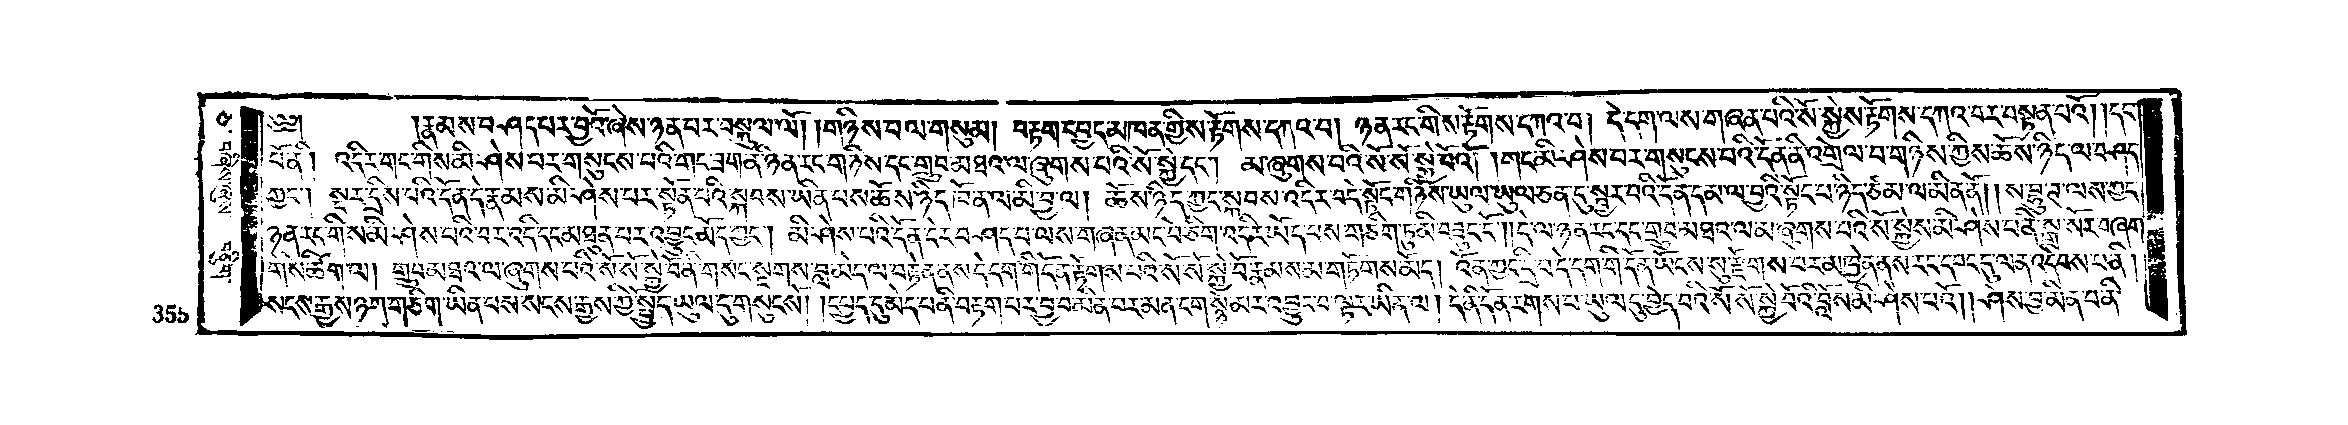༄༅། །རྣམས་བཤད་པར་བྱའོ་ཞེས་ཉན་པར་བསྐུལ་ལོ། །གཉིས་པ་ལ་གསུམ། བརྟག་དཔྱད་མཁན་གྱིས་རྟོགས་དཀའ་བ། ཉན་རང་གིས་རྟོགས་དཀའ་བ། དེ་དག་ལས་གཞན་པའི་སོ་སྐྱེས་རྟོགས་དཀའ་བར་བསྟན་པའོ། །དང་
པོ་ནི། འདིར་གང་གིས་མི་ཤེས་པར་གསུངས་པའི་གང་ཟག་ནི་ཉན་རང་གཉིས་དང་གྲུབ་མཐའ་ལ་ཞུགས་པའི་སོ་སྐྱེ་དང་། མ་ཞུགས་པའི་སོ་སོ་སྐྱེ་བོའོ། །གང་མི་ཤེས་པར་གསུངས་པའི་དོན་ནི་འགྲེལ་བ་གཉིས་ཀྱིས་ཆོས་ཉིད་ལ་བཤད་
ཀྱང་། སྔར་དྲིས་པའི་དོན་དེ་རྣམས་མི་ཤེས་པར་སྟོན་པའི་སྐབས་ཡིན་པས་ཆོས་ཉིད་ཁོ་ན་ལ་མི་བྱ་ལ། ཆོས་ཉིད་ཀྱང་སྐབས་འདིར་བདེ་སྟོང་གཉིས་ཡུལ་ཡུལ་ཅན་དུ་སྦྱར་བའི་དོན་དམ་ལ་བྱའི་སྟོང་པ་ཉིད་ཙམ་ལ་མིན་ནོ། །སཾ་བྷུ་ཊ་ལས་ཀྱང་
ཉན་རང་གིས་མི་ཤེས་པའི་བར་འདི་དང་མཐུན་པར་འབྱུང་མོད་ཀྱང་། མི་ཤེས་པའི་དོན་དེར་བཤད་པ་ལས་གཞན་མང་པོ་ཅིག་འདིར་ཡོད་པས་གཅིག་ཏུ་མི་བཟུང་ངོ། །དེ་ལ་ཉན་རང་དང་གྲུབ་མཐའ་ལ་མ་ཞུགས་པའི་སོ་སྐྱེས་མི་ཤེས་པ་ནི་སྒྲ་སོར་བཞག་
གིས་ཆོག་ལ། གྲུབ་མཐའ་ལ་ཞུགས་པའི་སོ་སོ་སྐྱེ་བོ་ནི་གསང་སྔགས་བླ་མེད་ལ་བརྟེན་ནས་དེ་དག་གི་དོན་རྟོགས་པའི་སོ་སོ་སྐྱེ་བོ་རྣམས་མ་གཏོགས་མོད། འོན་ཀྱང་དྲི་བ་དེ་དག་གི་དོན་ཡོངས་སུ་རྫོགས་པར་མཁྱེན་ནས་རང་དབང་དུ་ལན་འདེབས་པ་ནི།
སངས་རྒྱས་ཉག་གཅིག་ཡིན་པས་སངས་རྒྱས་ཀྱི་སྤྱོད་ཡུལ་དུ་གསུངས་སོ། །དཔྱད་དུ་མེད་པ་ནི་བརྟག་པར་བྱ་བ་མིན་པར་མན་ངག་སྙེ་མར་འབྱུང་བ་ལྟར་ཡིན་ལ། དེ་ནི་དོན་རགས་པ་ཡུལ་དུ་བྱེད་བའི་སོ་སོ་སྐྱེ་བའི་བློས་མི་ཤེས་པའོ། །ཤེས་བྱ་མིན་པ་ནི་